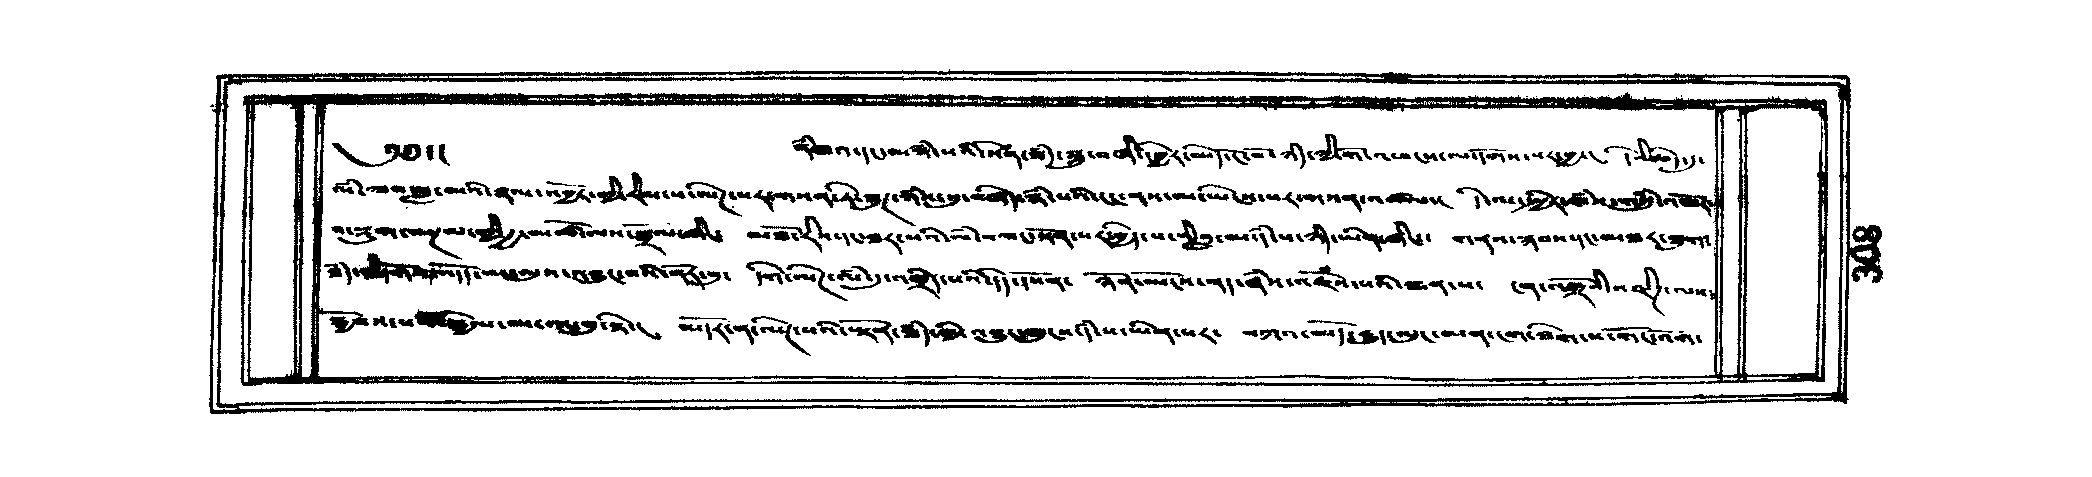ནམ་མཁའ་དང་མཉམ་པའི་སེམས་ཅན་ཐམས་ཅད་སྐུ་བཞི་དབྱེར་མེད་ངོ་བོ་ཉིད་ཀྱི་གོ་འཕང་ལ་འགོད་པར་བྱ། དེའི་ཆེད་དུ་
ལམ་ཟབ་བླ་མའི་རྣལ་འབྱོར་གྱི་རིམ་པ་ལེགས་པར་གསན་ཏེ་ཐུགས་ཉམས་སུ་བཞེས་སྙམ་པའི་ངང་ནས་མ་ཡེངས་པར་གསན་འཚལ། དེ་ལ་སྤྱིར་ཁམས་གསུམ་འཁོར་
བ་སྡུག་བསྔལ་གྱི་རྒྱ་མཚོ་ལས་སྒྲོལ་ཞིང། མཐོ་རིས་དང་ཐར་པའི་ལམ་བཟང་སྟོན་པར་བྱེད་པ་ནི་བླ་མ་དམ་པ་ཉིད་ཡིན་ཞིང་། གནས་སྐབས་དང་མཐར་ཐུག་
ཐམས་ཅད་ཀྱི་དགོས་འདོད་མ་ལུས་འབྱུང་བའི་ནོར་བུ། དགེ་ལེགས་ལམ་དུ་འཁྲིད་པའི་དེད་དཔོན། ཉོན་མོངས་ནད་རྣམས་འཇོམས་པའི་སྨན་པ། ངན་འགྲོའི་འཇིགས་ལས་
སྐྱོབས་པའི་སྐྱེལ་མ་ལྟ་བུ་སྟེ། མདོར་ན་ལེགས་པའི་ཡོན་ཏན་ཐམས་ཅད་གྱི་འབྱུང་ཁུངས་དམ་པ་ཡིན་པར། བཀའ་མདོ་དརྒྱུ་ལུང་མན་ངག་ཐེག་པ་གོང་འོག